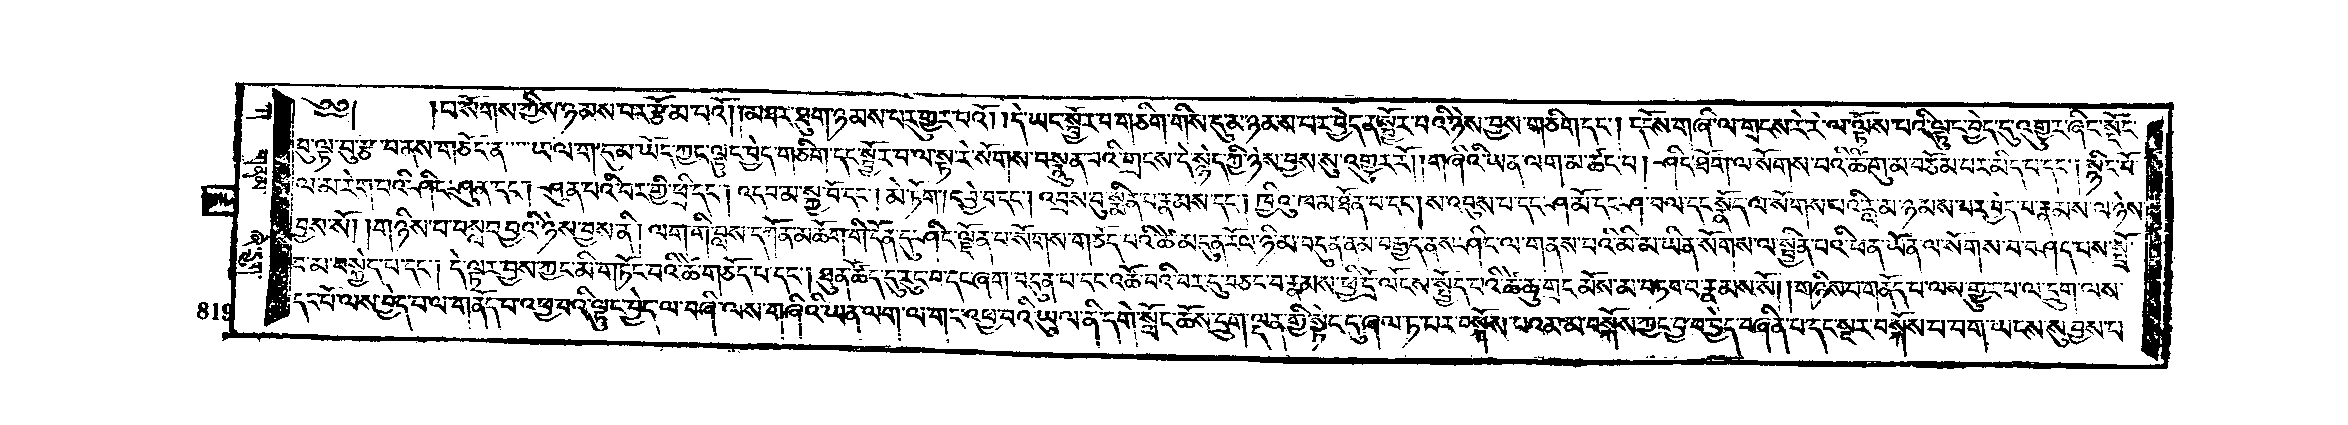༄༅། །པ་སོགས་ཀྱིས་ཉམས་པར་རྩོམ་པའོ། །མཐར་ཐུག་ཉམས་པར་གྱུར་པའོ། །དེ་ཡང་སྦྱོར་བ་གཅིག་གིས་དུ་མ་ཉམས་པར་བྱེད་ན་སྦྱོར་བའི་ཉེས་བྱས་གཅིག་དང་། དངོས་གཞི་ལ་གྲངས་རེ་རེ་ལ་ལྟོས་པའི་ལྟུང་བྱེད་དུ་འགྱུར་ཞིང་སྡོང་
བུ་ལྟ་བུ་རྩ་བ་ནས་གཅོང་?་ན་ཡལ་ག་དུ་མ་ཡོད་ཀྱང་ལྟུང་བྱེད་གཅིག་དང་སྦྱོར་བ་ལ་སྟ་རེ་སོགས་བསྣུན་པའི་གྲངས་དེ་སྙེད་ཀྱི་ཉེས་བྱས་སུ་འགྱུར་རོ། །གཞིའི་ཡན་ལག་མ་ཚང་པ། ཤིང་ཐོག་ལ་སོགས་པའི་ཚི་གུ་མ་བཅོམ་པར་མིད་པ་དང་། སྙིང་པོ་
ལ་མ་རེག་པའི་ཤིང་ཤུན་དང་། ཤུན་པའི་བར་གྱི་ཕྲི་དང་། འདབ་མ་སྐྱ་བོ་དང་། མེ་ཏོག །དབྱེ་བ་དང་། འབྲས་བུ་སྨིན་པ་རྣམས་དང་། ཁྱིའུ་ཁ་མ་ཐོན་པ་དང་། ས་འབུས་པ་དང་ཤ་མོ་དང་ཤ་བལ་དང་སྣོད་ལ་སོགས་པའི་རླ་མ་ཉམས་པར་བྱེད་པ་རྣམས་ལ་ཉེས་
བྱས་སོ། །གཉིས་པ་བསླབ་བྱའི་ཉེས་བྱས་ནི། ལག་གི་བླས་དཀོན་མཆོག་གི་དོན་དུ་ཤིང་ལྗོན་པ་སོགས་གཅོད་པའི་ཚེ་མདུན་རོལ་ཉི་མ་བདུན་ནམ་བརྒྱད་ནས་ཤིང་ལ་གནས་པའི་མི་མ་ཡིན་སོགས་ལ་སྦྱིན་པའི་ཕན་ཡོན་ལ་སོགས་པ་བཤད་པས་སྤྲོ་
བ་མ་བསྐྱེད་པ་དང་། དེ་ལྟར་བྱས་ཀྱང་མི་གཏོང་བའི་ཚེ་གཅོད་པ་དང་། ཐུན་ཚོད་དུ་རུང་བ་དང་ཞག་བདུན་པ་དང་འཚོ་བའི་བར་དུ་བཅང་བ་རྣམས་ཕྱི་དྲོ་ལོངས་སྤྱོད་པའི་ཚེ་ཆུ་གྲང་མོས་མ་བཏབ་པ་རྣམས་སོ། །གཉིས་པ་གནོད་པ་ལས་གྱུར་པ་ལ་དྲུག་ལས་
དང་པོ་ལས་བྱེད་པ་ལ་གནོད་པ་འཕྱ་བའི་ལྟུང་བྱེད་ལ་བཞི་ལས་གཞིའི་ཡན་ལག་ལ་གང་འཕྱ་བའི་ཡུལ་ནི་དགེ་སློང་ཆོས་དྲུག་ལྡན་གྱི་སྟེང་དུ་ཞལ་ཏ་པར་བསྐོས་པའམ་མ་བསྐོས་ཀྱང་བྱ་བ་བྱེད་བཞིན་པ་དང་སྔར་བསྐོས་པ་བག་ཡངས་སུ་བྱས་པ་